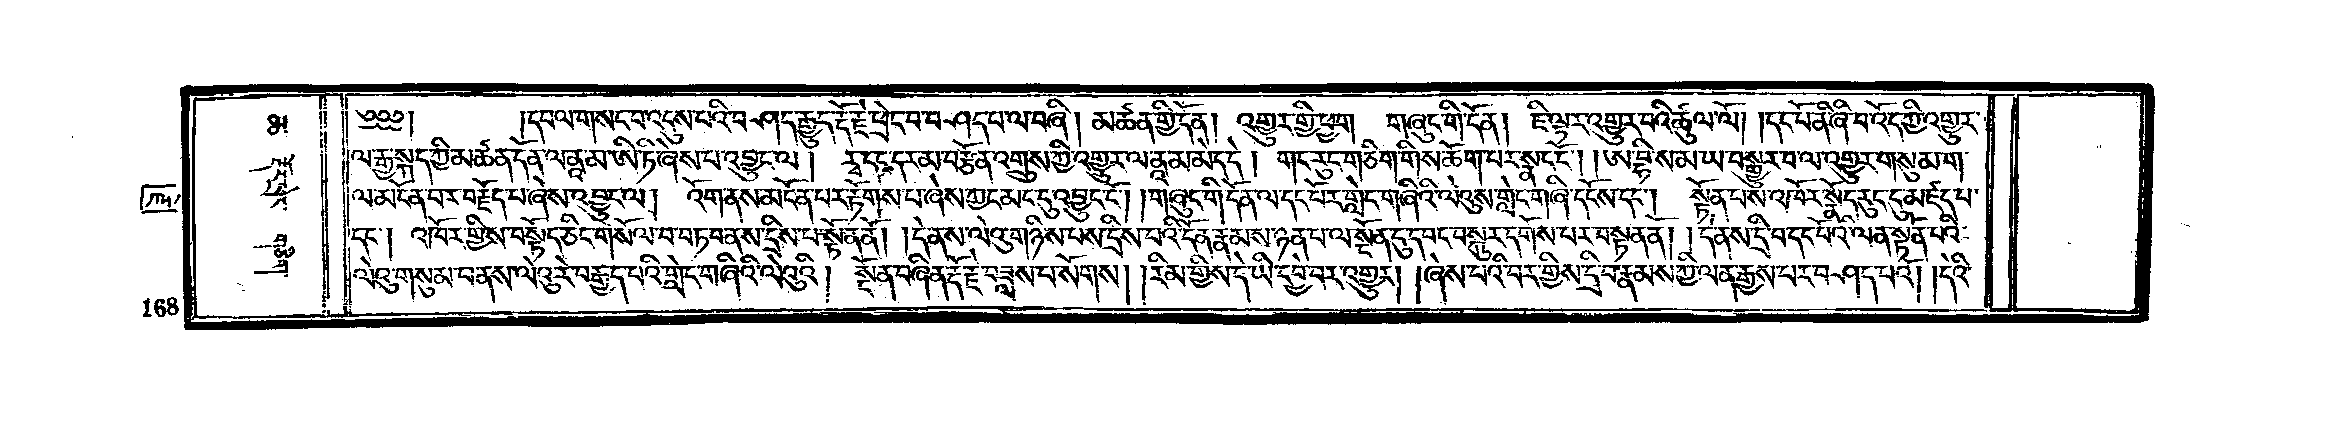༄༅༅། །དཔལ་གསང་བ་འདུས་པའི་བཤད་རྒྱུད་རྡོ་རྗེ་ཕྲེང་བ་བཤད་པ་ལ་བཞི། མཚན་གྱི་དོན། འགྱུར་གྱི་ཕྱག །གཞུང་གི་དོན། ཇི་ལྟར་འགྱུར་བའི་ཚུལ་ལོ། །དང་པོ་ནི་ཞི་བ་འོད་ཀྱི་འགྱུར་
ལ་རྒྱ་སྐད་ཀྱི་མཚན་དོན་ལ་ནཱ་མ་ཨི་ཏི་ཞེས་པ་འབྱུང་ལ། རྭ་དང་དར་མ་བརྩོན་འགྲུས་ཀྱི་འགྱུར་ལ་ནཱ་མ་མེད་དེ། གང་རུང་གཅིག་གིས་ཆོག་པར་སྣང་ངོ། །ཨ་བྷི་ས་མ་ཡ་བསྒྱུར་བ་ལ་འགྱུར་གསུམ་ག་
ལ་མངོན་པར་བརྗོད་པ་ཞེས་འབྱུང་ལ། འོག་ནས་མངོན་པར་རྟོགས་པ་ཞེས་ཀྱང་མང་དུ་འབྱུང་ངོ། །གཞུང་གི་དོན་ལ་དང་པོར་གླེང་གཞིའི་ལེའུས་གླེང་གཞི་དངོས་དང་། སྟོན་པས་འཁོར་སྣོད་རུང་དུ་མཛད་པ་
དང་། འཁོར་གྱིས་བསྟོད་ཅིང་གསོལ་བ་བཏབ་ནས་དྲིས་པ་སྟོན་ནོ། །དེ་ནས་ལེའུ་གཉིས་པས་དྲིས་པའི་དོན་རྣམས་ཉན་པ་ལ་སྔོན་དུ་དབང་བསྐུར་དགོས་པར་བསྟན་ནོ། །དེ་ནས་དྲི་བ་དང་པོའི་ལན་སྟོན་པའི་
ལེའུ་གསུམ་པ་ནས་ལེའུ་རེ་བརྒྱད་པའི་གླེང་གཞིའི་ལེའུའི། སྔོན་བཞིན་རྡོ་རྗེ་བཟླས་པ་སོགས། །རིམ་གྱིས་དེ་ཡི་དབྱེ་བར་འགྱུར། །ཞེས་པའི་བར་གྱིས་དྲི་བ་རྣམས་ཀྱི་ལན་རྒྱས་པར་བཤད་པའོ། །དེའི་